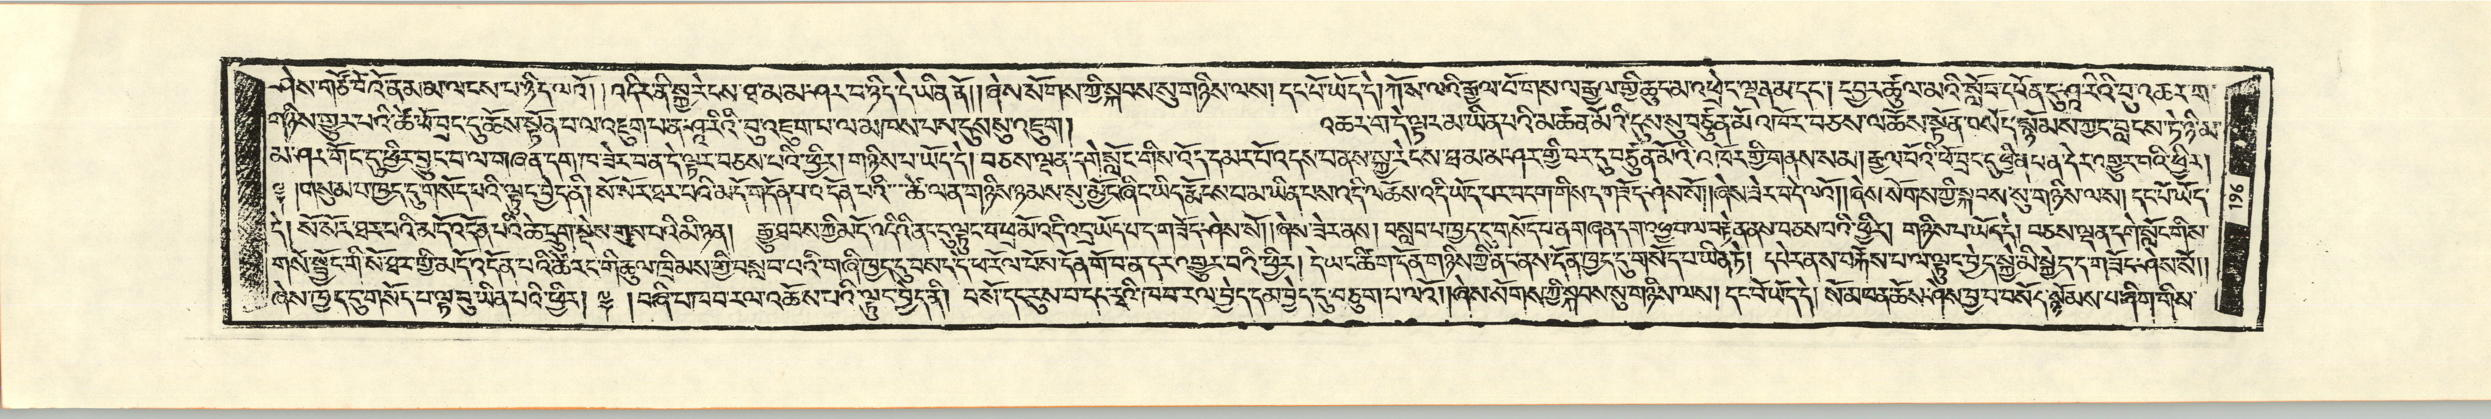ཤེས་གཙོ་བོའོ་ནམ་མ་ལངས་པ་ཉིད་ལའོ། །འདིར་ནི་སྐྱ་རེངས་ཐ་མ་མ་ཤར་བ་ཉིད་དེ་ཡིན་ནོ། །ཞེས་སོགས་ཀྱི་སྐབས་སུ་གཉིས་ལས། དང་པོ་ཡོད་དེ། ཀོ་ས་ལའི་རྒྱལ་པོ་གསལ་རྒྱལ་གྱི་ཆུང་མ་འཕྲེང་ལྡན་མ་དང་། དབྱར་ཚུལ་མའི་སློབ་དཔོན་དུ་ཤཱ་རིའི་བུ་འཆར་ག་
གཉིས་གྱུར་པའི་ཚེ་ཕོ་བྲང་དུ་ཆོས་སྟོན་པ་ལ་འཇུག་པ་ན་ཤཱ་རིའི་བུ་འཇུག་པ་ལ་མཁས་པས་དུས་སུ་འཇུག། འཆར་ག་དེ་ལྟར་མ་ཡིན་པའི་མཚན་མོའི་དུས་སུ་བཙུན་མོ་འཁོར་བཅས་ལ་ཆོས་སྟོན་བསོད་སྙོམས་ཀྱང་བླངས་ཏེ་ཉི་མ་
མ་ཤར་གོང་དུ་ཕྱིར་བྱུང་བ་ལ་གཞན་དག་ཁ་ཟེར་བ་ན་དེ་ལྟར་བཅས་པའི་ཕྱིར། གཉིས་པ་ཡོད་དེ། བཅས་ལྡན་དགེ་སློང་གིས་འོད་དམར་པོ་འདས་པ་ནས་སྐྱ་རེངས་ཐ་མ་མ་ཤར་གྱི་བར་དུ་བཙུན་མོའི་འཁོར་གྱི་གནས་སམ། རྒྱལ་པོའི་ཕོ་བྲང་དུ་ཕྱིན་པ་ན་དེར་འགྱུར་བའི་ཕྱིར།
༈ །གསུམ་པ་ཁྱད་དུ་གསོད་པའི་ལྟུང་བྱེད་ནི། སོ་སོར་ཐར་པའི་མདོ་གདོན་པ་འདོན་པའི་ཚེ་ལན་གཉིས་ཉམས་སུ་མྱོང་ཞིང་ཡིད་རྨོངས་བ་མ་ཡིན་པས་འདི་ལ་ཆོས་འདི་ཡོད་པར་བདག་གིས་ད་གཟོད་ཤེས་སོ། །ཞེས་ཟེར་བ་དེ་ལའོ། །ཞེས་སོགས་ཀྱི་སྐབས་སུ་གཉིས་ལས། དང་པོ་ཡོད་
དེ། སོ་སོར་ཐར་པའི་མདོ་འདོན་པའི་ཆེ་དྲུག་སྡེས་གུས་པའི་མི་ཉན། རྒྱུ་ཐབས་ཀྱི་མདོ་འདིའི་ནང་དུ་ལྟུང་བ་ཕྲ་མོ་འདི་འདྲ་ཡོད་པད་གཟོད་ཤེས་སོ། །ཞེས་ཟེར་ནས། བསླབ་པ་ཁྱད་དུ་གསོད་པ་ན་གཞན་དག་འཕྱ་བ་ལ་བརྟེན་ནས་བཅས་པའི་ཕྱིར། གཉིས་པ་ཡོད་དེ། བཅས་ལྡན་དགེ་སློང་གིས་
གསོ་སྦྱོང་གི་སོ་ཐར་གྱི་མདོ་འདོན་པའི་ཚེ་རང་གི་ཆུལ་ཁྲིམས་གྱི་བསླབ་པའི་གཞི་ཁྱད་དུ་བསད་དེ་ཕ་རོལ་པོས་དོན་གོ་བ་ན་དར་འགྱུར་བའི་ཕྱིར། དེ་ཡང་ཚིག་དོན་གཉིས་ཀྱི་ནང་ནས་དོན་ཁྱད་དུ་གསོད་པ་ཡིན་ཏེ། དཔེར་ན་ས་བརྐོས་པ་ལ་ལྟུང་བྱེད་སྐྱེ་མི་སྐྱེད་ད་གཟོང་ཤེས་སོ། །
ཞེས་ཁྱད་དུ་གསོད་པ་ལྟ་བུ་ཡིན་པའི་ཕྱིར། ༈ །བཞི་པ་ཁབ་རལ་འཆོས་པའི་ལྟུང་བྱེད་ནི། བསོ་དང་རུས་པ་དང་རྭའི་ཁབ་རལ་བྱེད་དམ་བྱེད་དུ་བཅུག་པ་ལའོ། །ཞེས་སོགས་ཀྱི་སྐབས་སུ་གཉིས་ལས། དང་པོ་ཡོད་དེ། སོ་མཁན་ཆོས་ཤེས་བྱ་བ་བསོད་སྙོམས་པ་ཞིག་གིས་